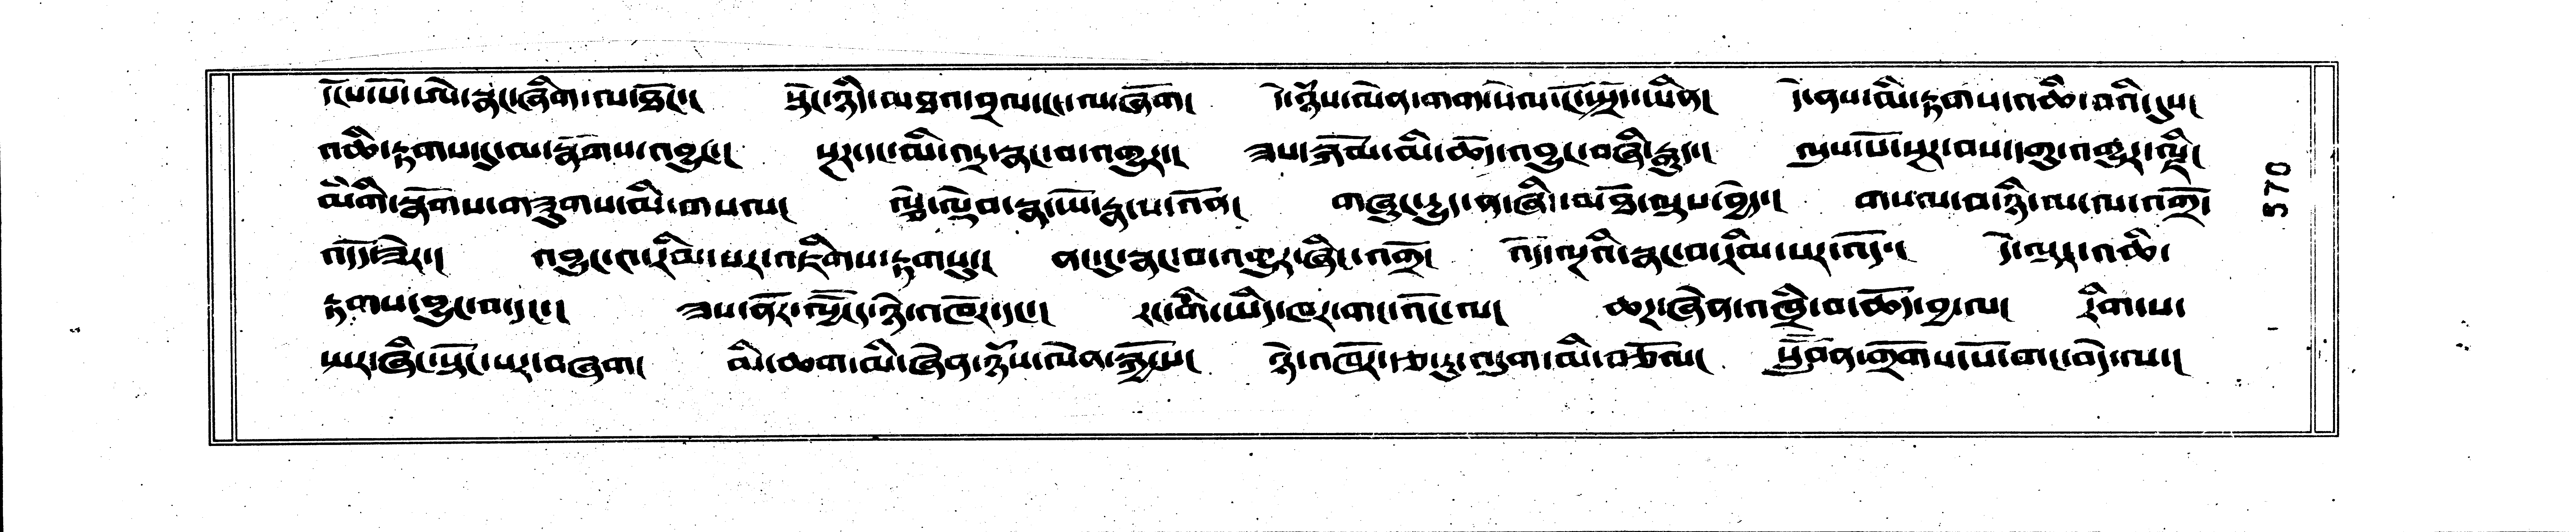དངོས་པོ་ཨེ་སྣང་ཞིག་ལ་མཐོང་། སྟོང་ཉིད་མཐའ་བྲལ་ངང་ལ་ཞོག དེ་ཉམས་ལེན་གགས་སེལ་ངོ་སྤྲོད་ཡིན། དེ་ནས་མི་རྟག་འཆི་བའི་དུས། 
འཆི་རྟགས་དུ་མ་སྣ་ཚོགས་འབྱུང་། སྔར་དང་མི་འདྲ་སྣང་བ་འགྱུར། ཟས་སྐོམ་མི་ཆོད་འབྱུང་བཞི་རྒུད། ལུས་པོ་སྔར་བའི་དགུ་འགྱུར་ལྕི། 
མིག་གིས་སྣ་ཚོགས་གཟུགས་མི་གསལ། ལྕེ་ལྡིབ་སྣ་ཡོ་རྣ་བ་འོན། གཞུ་རྒྱུད་ན་ཞིང་མཐོ་ལྟས་བྱེད། གསལ་བ་ཉི་མ་ལ་འགྲོ་
འདོད་ཟེར། འབྱུང་བཞི་རིམ་པར་འཇིག་རྟགས་སུ། ནང་དུ་སྣ་༼སྣང༽བ་འགྱུར་ཞིང་འགྲོ། འོད་ལྔའི་སྣང་བ་རིམ་པར་འོང་། དེ་ལྟར་འཆི་
རྟགས་འབྱུང་བ་དང་། ཟས་ནོར་ལོངས་སྤྱོད་ཉེ་འཁོར་དང་། རང་གིས་ཡིད་ཁར་གང་འོང་ལ། ཆགས་ཞེན་འཁྲི་བ་ཆོད་བྱ་ལ། རིག་པ་
སྤར་ཞིང་སྟོང་པར་བཞག མི་ཆགས་མི་ཞེན་ཉམས་ལེན་སྐྱོངས། ཉེ་འཁོར་རྩ་རུ་འདུག་མི་བཅོལ། སློབ་དཔོན་གྲོགས་པོ་གང་བདེ་ལ།